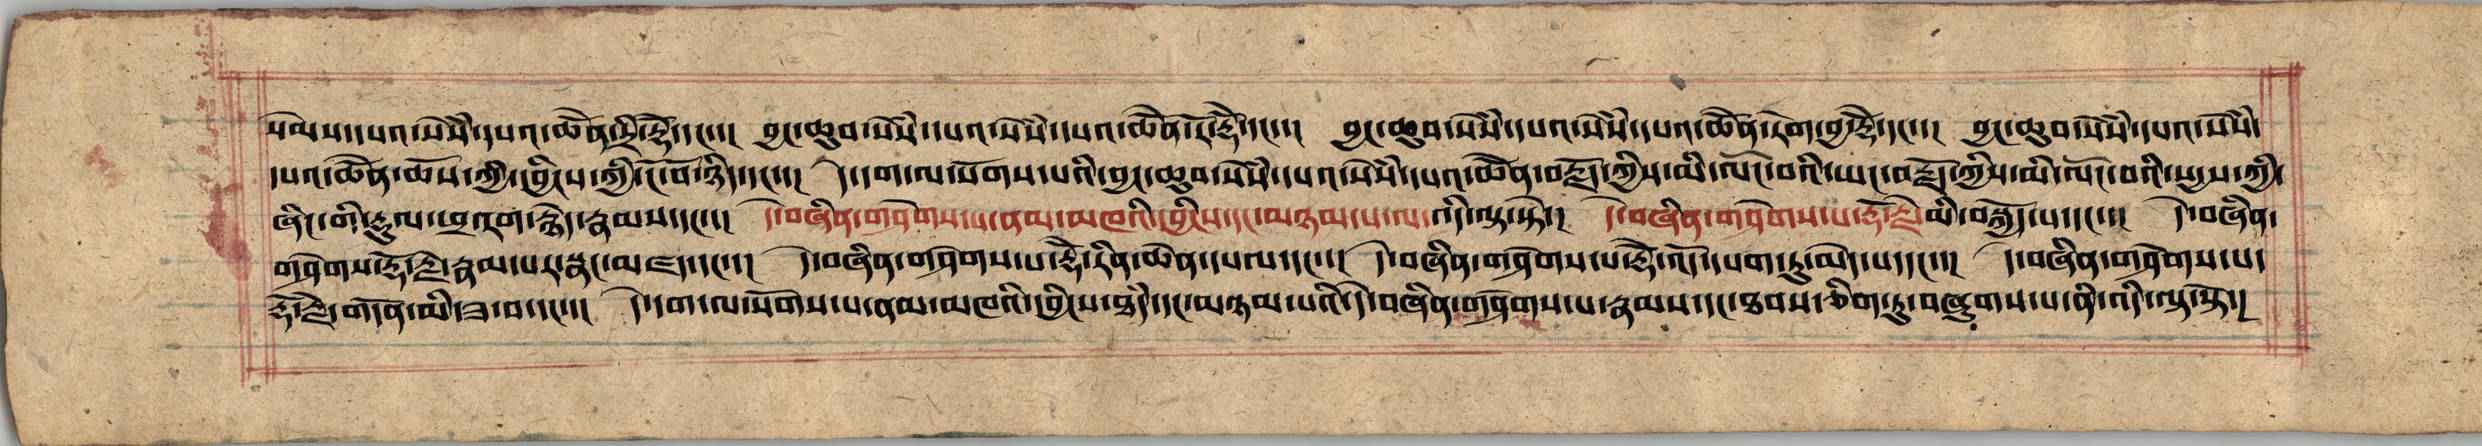སེམས་དཔའ་སེཾས་དཔའ་ཆེནོ་དྲི་རྡོེ་དང་་། བྱང་ཆུབ་སེཾས་དཔའ་སེཾས་དཔའ་ཆེནོ་རོ་རྡོེ་དང་་། བྱང་ཆུབ་སེཾས་དཔའ་སེཾས་དཔའ་ཆེནོ་རེག་བྱ་རྡོེ་དང་་། བྱང་ཆུབ་སེཾས་དཔའ་སེཾས་
དཔའ་ཆེནོ་ཆོས་ཀྱི་དབྱིངས་ཀྱི་ངོ་བོ་ཉིད་དང་་། དེ་དག་ལ་སོགས་པའི་བྱང་ཆུབ་སེཾས་དཔའ་སེཾས་དཔའ་ཆེནོ་བརྗོད་ཀྱིས་མི་ལོང་བའི་ཡང་བརྗོད་ཀྱིས་མི་ལོང་བའི་སདྱས་ཀྱི་
ཞིང་གི་རྡུལ་ཕྲ་རག་རྙེད་རྣམས་དང་་། དེ་བཞིན་གཤེགས་པ་ནམ་མཁའི་དབྱིངས་དང་མཉམ་པ་ལ་འདི་ལྟ་སྟེ་། དེ་བཞིན་གཤེགས་པ་རྡོ་རྗེ་མི་བསྐྱོད་པ་དང་་། དེ་བཞིན་
གཤེགས་རྡོ་རྗེ་རྣམ་པར་སྣང་མཛད་དང་་། དེ་བཞིན་གཤེགས་པ་རྡོེ་རིན་ཆེན་དཔལ་དང་་། དེ་བཞིན་གཤེགས་པ་རྡོེ་འོད་དཔག་ཏུ་མེད་པ་དང་་། དེ་བཞིན་གཤེགས་པ་
རྡོ་རྗེ་གདོན་མི་ཟ་བ་དང་་། དེ་དག་ལ་སོགས་པ་ནམ་མཁའི་དབྱིངས་ཐཾད་དང་མཉམ་པའི་དེ་བཞིན་གཤེགས་པ་རྣམས་དང་ཐབས་ཅིག་ཏུ་བཞུགས་པ་ནི་འདི་ལྟ་སྟེ་།